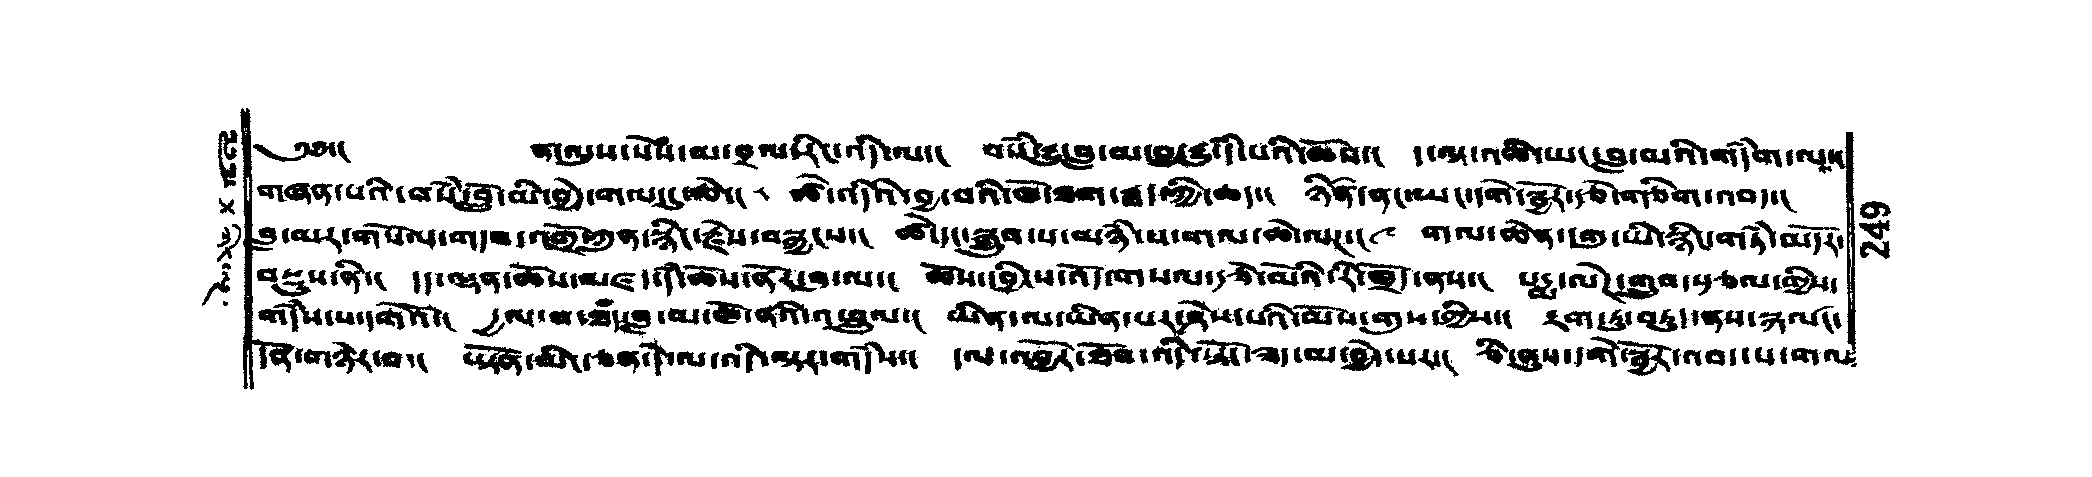ན་ལུས་སེམས་མ་བྲལ་རིང་དུ་ལ། །བསམ་རྒྱུ་བླ་མ་བྱ་རྒྱུ་དམ་པའི་ཆོས། །ད་ལྟ་འཆི་ཡང་བླ་མའི་གདམས་ངག་ལས། །
གཞན་པའི་བསམ་བློ་མི་བྱེད་གལ་དུ་ཆེ། ༨ །ཚེ་འདིའི་བྱ་བའི་ཁོ་ཐག་རྦད་ཀྱི་ཆད། །ཉིན་མཚན་ནམ་ཡང་དགེ་སྦྱོར་རྩེ་གཅིག་འབད། །
བླ་མར་གསོལ་གདབ་འགྲོ་ཀུན་སྙིང་རྗེས་བསྐྱང་། །ཚེ་དང་སྒྲུབ་པ་མཉམ་པ་གལ་ཆེ་ལགས། ༩ །གལ་ཆེན་དགུ་ཡི་སྙིང་གཏམ་མདོར་
བསྡུས་ནི། །དད་ལྡན་ཆོས་མཛད་དམ་ཆོས་ནོར་བུ་ལ། །ཆོས་དབྱིངས་འོད་གསལ་རྩེ་མོའི་རི་ཁྲོད་ནས། །པདྨ་ལེགས་གྲུབ་རྩལ་གྱིས་
གདམས་པ་དགེའོ། ༈ རྒྱལ་བ་ཐམས་ཅད་བླ་མ་ཁོ་ནའི་འཕྲུལ། །ཡིན་ལ་ཡིན་པར་ཤེས་པའི་མོས་གུས་ཀྱིས། །རྟག་ཏུ་བཏུད་ནས་སྐལ་
ལྡན་དོན་གཉེར་བ། །ཡོན་ཏན་མིང་ཅན་དེ་ལ་འདི་ལྟར་གདམས། །དལ་འབྱོར་ཐོབ་འདི་གཏོང་ཟད་མ་བྱེད་པར། །ཅི་ནུས་དགེ་སྦྱོར་འབད་པ་གལ་